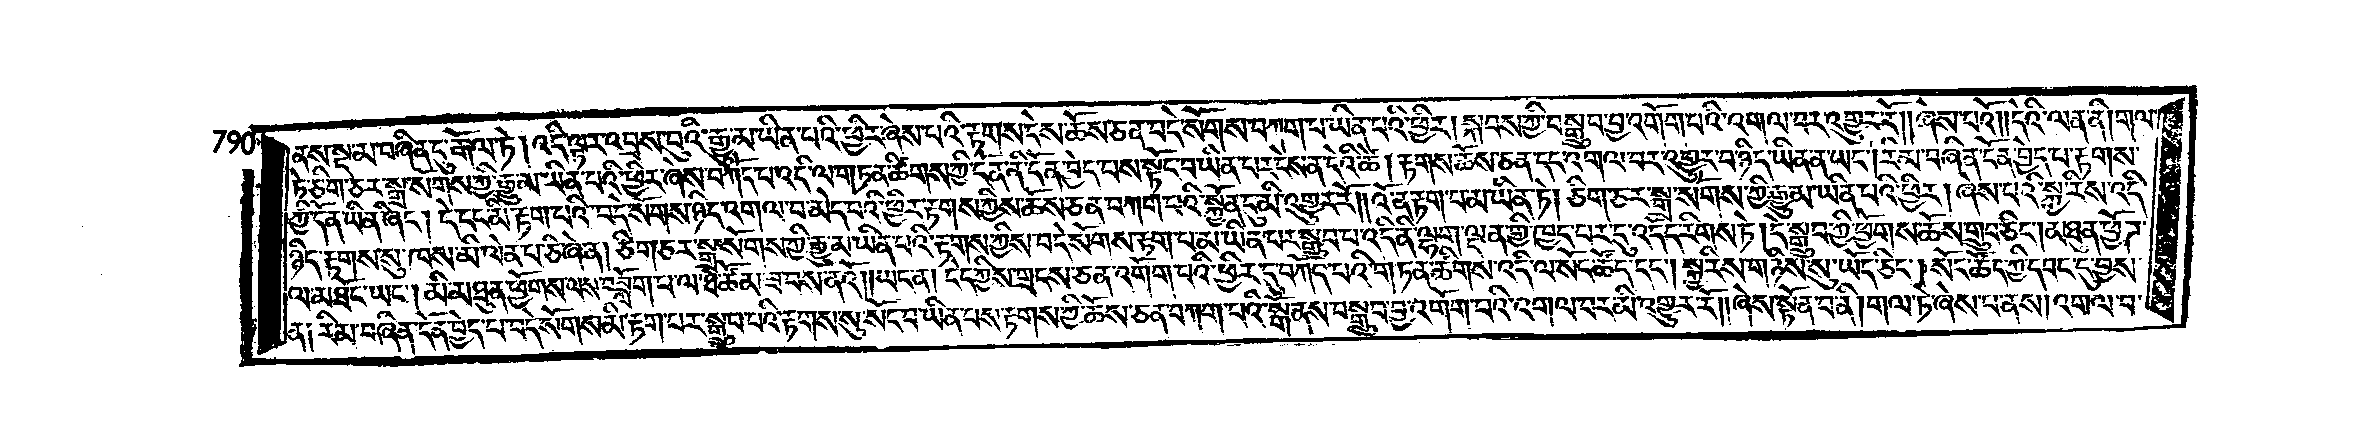ནས་སྔ་མ་བཞིན་དུ་རྒོལ་ཏེ། འདི་ལྟར་འབྲས་བུའི་རྒྱུ་མ་ཡིན་པའི་ཕྱིར་ཞེས་པའི་རྟགས་དེས་ཆོས་ཅན་བདེ་སོགས་བཀག་པ་ཡིན་པའི་ཕྱིར། སྐབས་ཀྱི་བསྒྲུབ་བྱ་འགོག་པའི་འགལ་བར་འགྱུར་རོ། །ཞེས་པའོ། །དེའི་ལན་ནི། གལ་
ཏེ་ཅིག་ཅར་སྒྲ་སོགས་ཀྱི་རྒྱུ་མ་ཡིན་པའི་ཕྱིར་ཞེས་བཀོད་པ་འདི་ལ་གཏན་ཚིགས་ཀྱི་དོན་ནི་དོན་བྱེད་པས་སྟོང་བ་ཡིན་པར་ངེས་ན་དེའི་ཚེ། རྟགས་ཆོས་ཅན་དང་འགལ་བར་འགྱུར་བ་ཉིད་ཡིན་ན་ཡང་། རིམ་བཞིན་དོན་བྱེད་པ་རྟགས་
ཀྱི་དོན་ཡིན་ཞིང་། དེ་དང་མི་རྟག་པའི་བདེ་སོགས་ཉིད་འགལ་བ་མེད་པའི་ཕྱིར་རྟགས་ཀྱིས་ཆོས་ཅན་བཀག་པའི་སྐྱོན་དུ་མི་འགྱུར་རོ། །འོ་ན་རྟག་པ་མ་ཡིན་ཏེ། ཅིག་ཅར་སྒྲ་སོགས་ཀྱི་རྒྱུ་མ་ཡིན་པའི་ཕྱིར། ཞེས་པའི་སྐྱ་རིས་འདི་
ཉིད་རྟགས་སུ་ཁས་མི་ལེན་པ་ཅི་ཞེ་ན། ཅིག་ཅར་སྒྲ་སོགས་ཀྱི་རྒྱུ་མ་ཡིན་པའི་རྟགས་ཀྱིས་བདེ་སོགས་རྟག་པ་མ་ཡིན་པར་སྒྲུབ་པ་འདི་ནི་ལྷག་ལྡན་གྱི་ཁྱད་པར་དུ་འདོད་རིགས་ཏེ། དེ་སྒྲུབ་ཀྱི་ཕྱོགས་ཆོས་གྲུབ་ཅིང་། མཐུན་ཕྱོགས་
ལ་མཐོང་ཡང་། མི་མཐུན་ཕྱོགས་ལས་བཟློག་པ་ལ་ཐེ་ཚོམ་ཟ་བས་ནའོ། །ཡང་ན། ངེད་ཀྱིས་གྲངས་ཅན་འགོག་པའི་ཕྱིར་དུ་བཀོད་པའི་གཏན་ཚིགས་འདི་ལ་སོང་ཚོད་དང་། སྐྱ་རིས་གཉིས་སུ་ཡོད་ཅིང་། སོང་ཚོད་ཀྱི་དབང་དུ་བྱས་
ན། རིམ་བཞིན་དོན་བྱེད་པ་བདེ་སོགས་མི་རྟག་པར་སྒྲུབ་པའི་རྟགས་སུ་སོང་བ་ཡིན་པས་རྟགས་ཀྱི་ཆོས་ཅན་བཀག་པའི་སྒོ་ནས་བསྒྲུབ་བྱ་འགོག་པའི་འགལ་བར་མི་འགྱུར་རོ། །ཞེས་སྟོན་པ་ནི། གལ་ཏེ་ཞེས་པ་ནས། འགལ་བ་